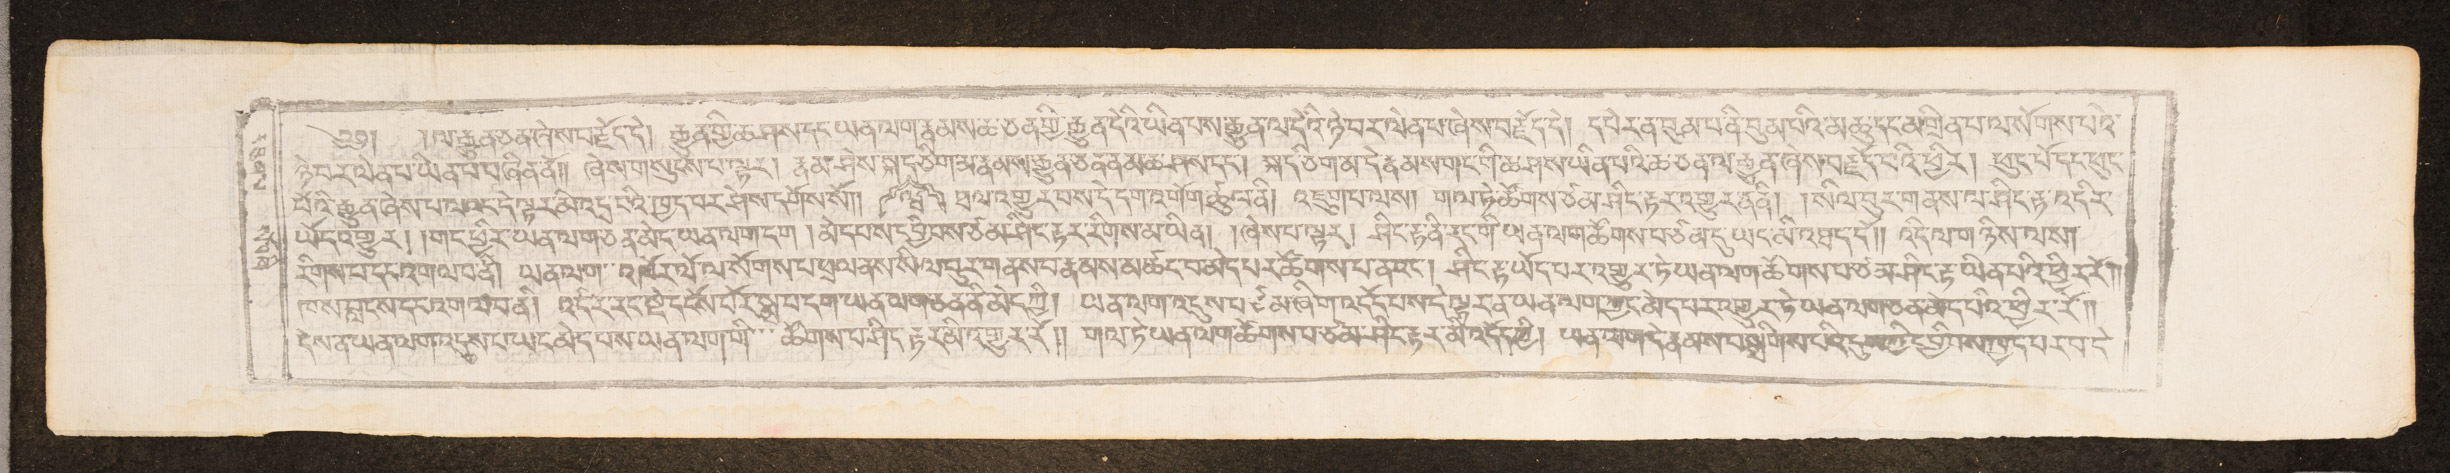༄༅། །ལ་རྒྱུན་ཅན་ཞེས་བརྗོད་དེ། རྒྱུན་གྱི་ཆ་ཤས་དང་ཡན་ལག་རྣམས་ཆ་ཅན་གྱི་རྒྱུན་དེའི་ཡིན་པས་རྒྱུན་ལ་དེའི་ཉེ་བར་ལེན་པ་ཞེས་བརྗོད་དེ། དཔེར་ན་བུམ་པ་ནི་བུམ་པའི་མཆུ་དང་མགྲིན་པ་ལ་སོགས་པའི་
ཉེ་བར་ལེན་པ་ཡིན་པ་བཞིན་ནོ།། ཞེས་གསུངས་པ་ལྟར། རྣམ་ཤེས་སྐད་ཅིག་མ་རྣམས་རྒྱུན་ཅན་ནམ་མ་ཆ་ཤས་དང་། སྐད་ཅིག་མ་མེ་རྣམས་གང་གི་ཆ་ཤས་ཡིན་པའི་ཆ་ཅན་ལ་རྒྱུན་ཞེས་བརྗོད་པའི་ཕྱིར། ཕུང་པོ་དང་ཕུང་
པོའི་རྒྱུན་ཞེས་པ་ལ་འང་དེ་ལྟར་མི་འདྲ་བའི་ཁྱད་པར་ཤེས་དགོས་སོ།། ༼༽ཝ༼༽ ཐལ་འགྱུར་བ་དེ་དག་འགོག་ཚུལ་ནི། འཇུག་པ་ལས། གལ་ཏེ་ཚོགས་ཙམ་ཤིང་རྟར་འགྱུར་ན་ནི། །སིལ་བུར་གནས་ལ་ཤིང་རྟ་འདིར་
ཡོད་འགྱུར། །གང་ཕྱིར་ཡན་ལག་ཅན་མེད་ཡན་ལག་དག། མེད་པས་དབྱིབས་ཙམ་ཤིང་རྟར་རིགས་མ་ཡིན། །ཞེས་པ་ལྟར། ཤིང་རྟ་ནི་རང་གི་ཡན་ལག་ཚོགས་པ་ཙམ་དུ་ཡང་མི་འཐད་དོ།། འདི་ལ་གཉིས་ལས།
རིགས་པ་དང་འགལ་བ་ནི། ཡན་ལག་འཁོར་ལོ་ལ་སོགས་པ་ཕྲལ་ནས་སིལ་བུར་གནས་པ་རྣམས་མ་ཚང་བ་མེད་པར་ཚོགས་པ་ན་འང་། ཤིང་རྟ་ཡོད་པར་འགྱུར་ཏེ་ཡན་ལག་ཚོགས་པ་ཙམ་ཤིང་རྟ་ཡིན་པའི་ཕྱིར་རོ།།
ཁས་བླངས་དང་འགལ་བ་ནི། འདིར་རང་སྡེ་དངོས་པོར་སྨྲ་བ་དག་ཡན་ལག་ཅན་ནི་མེད་ཀྱི། ཡན་ལག་འདུས་པ་ཙམ་ཞིག་འདོད་པས་དེ་ལྟར་ན་ཡན་ལག་ཀྱང་མེད་པར་འགྱུར་ཏེ་ཡན་ལག་ཅན་མེད་པའི་ཕྱིར་རོ།།
དེས་ན་ཡན་ལག་འདུས་པ་ཡང་མེད་པས་ཡན་ལག་གི་ཚོགས་པ་ཤིང་རྟར་མི་འགྱུར་རོ།། གལ་ཏེ་ཡན་ལག་ཚོགས་པ་ཙམ་ཤིང་རྟར་མི་འདོད་ཀྱི། ཡན་ལག་དེ་རྣམས་བསྒྲིགས་པའི་དུས་ཀྱི་དབྱིབས་ཁྱད་པར་བ་དེ་